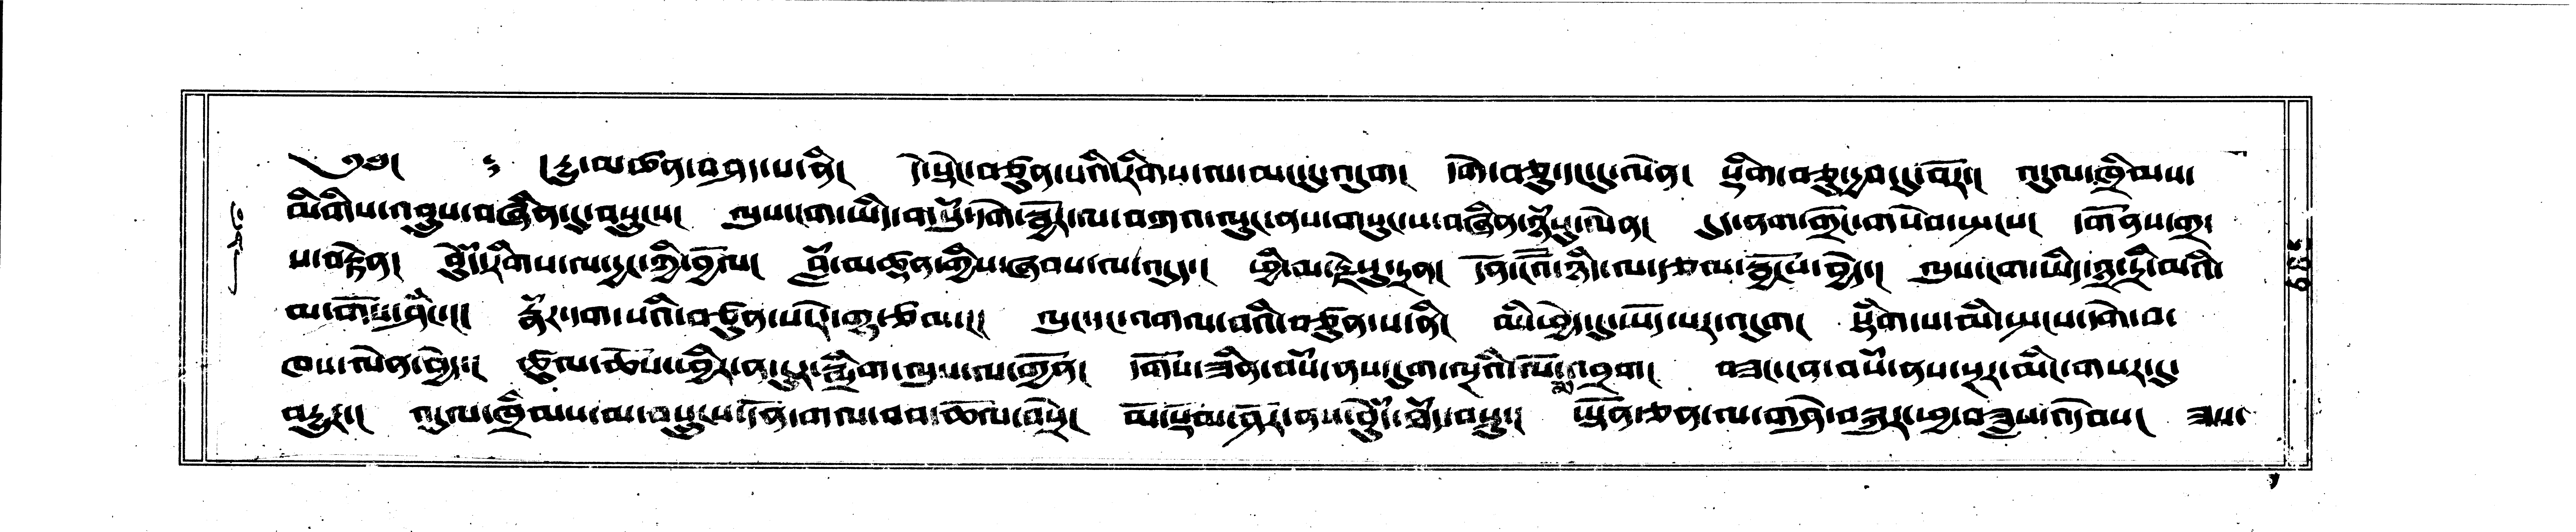རྒྱུ་མཚན་བཤད་པ་ནི། རེས་སྙིང་རྗེ། དེ་སྟེང་བཙུན་པའི་རིགས་མང་པར་སྣང། དགེ་བཅུ་དང་དུ་ལེན་སྡིག་བཅུ་རྒྱབ་དུ་བོར། འདུལ་ཁྲིམས་
མིག་འབྲས་བཞིན་དུ་སྲུངས། ལུས་ངག་ཡིད་གསུམ་དགེ་སྦྱོར་ལ་བཀོལ། ལུང་ནས་གསུངས་བཞིན་ཉམས་སུ་ལེན། དུད་ནག་དང་གྲོང་གསེབ་སྤངས། རྒོན་པའི་གྲལ
མེན་བུ་མེད་རིགས་དང་རྒྱང་གི་གཞོལ། བླ་མ་མཚན་ལྡན་གྱི་ཞབས་ལ་འདུག་ཅིང་ཕྱི་མ་རྗེས་སུ་དྲན། དོན་ངོའོ་ཉིད་རྩལ་སྦྱང་བྱེད། ལུས་ངག་ཡིད་གསུམ་སྒྲིབ་པས་
མ་གོས་ཤིན་དུ་རྣམ་པར་དག་པ་རེ་གྷ་(འགའ)་བེས་མེད། ལུང་ཆེན་མི་མཐུན་པའི་བཙུན་པ་ནི། མི་ཕྱེད་ཙམ་དུ་འདུག སྡིག་པ་མི་སྤང་དགེ་བ་
ཁས་ལེན་བྱེད། ཚུལ་ཆོས་ཕྱིར་ན་སེར་གོས་ལུས་ལ་གོན། དགོན་ཟིན་བསམ་ནས་དུག་ལྔའི་ལོ་མ་བྲག་༼འབྲེག༽ བཟང་པོ་བསམ་ན་སྔར་མིང་གསར་དུ་
བསྒྱུར། འདུལ་ཁྲིམས་མི་སྲུངས་ལུང་གྷལ་(འགལ་)བབ་ཆོལ་སྲེ། མོ་སྡེ་”སྡོམ”ཤོར་ནས་བུ་མེད་ཐམས་ཅད་སྡུད། ཡོན་ཏན་ཅན་ལ་གཤེ་སྐུར་རྗེས་ཟློས་བྱེད། ཟས་